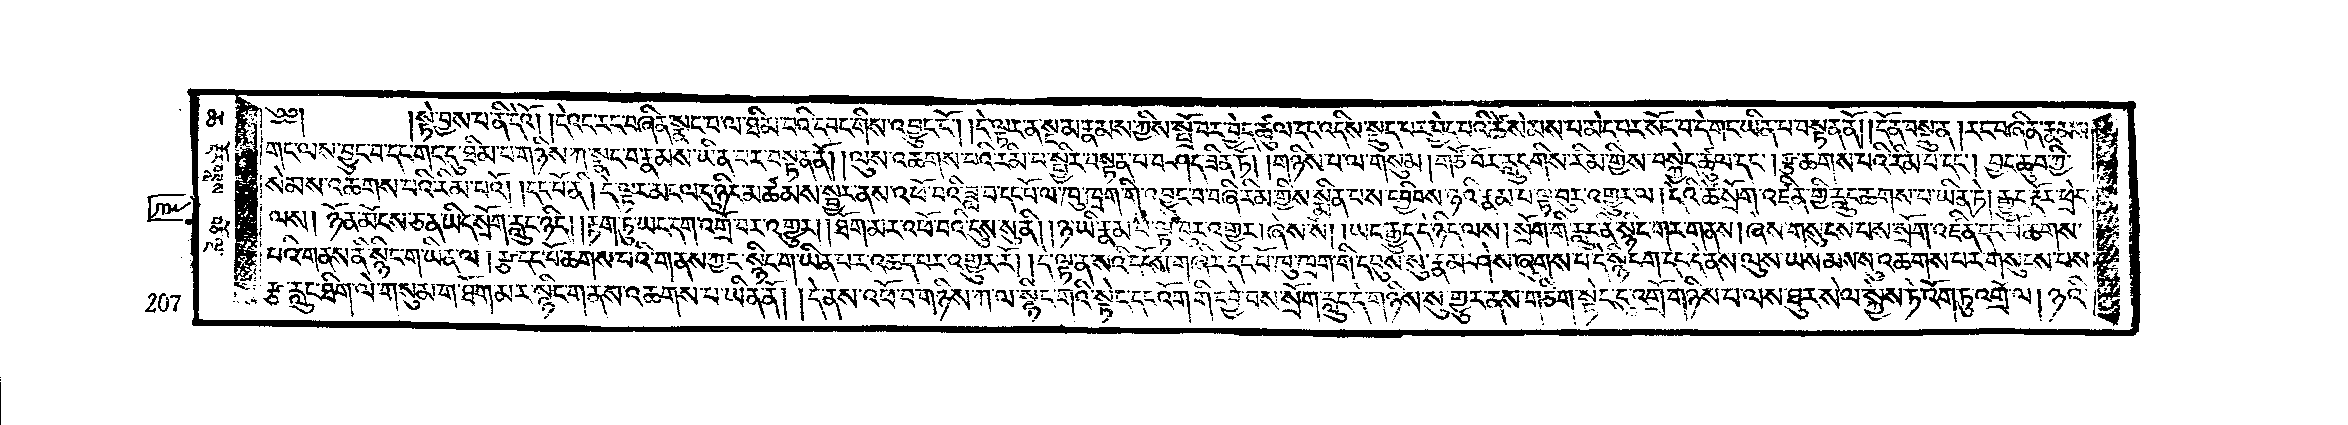༄༅། །སྟེ་བྱས་པ་ནི་དེའོ། །དེའང་རང་བཞིན་སྣང་བ་ལ་ཐིམ་པའི་དབང་གིས་འབྱུང་ངོ། །དེ་ལྟར་ན་སྔ་མ་རྣམས་ཀྱིས་སྤྲོ་བར་བྱེད་ཚུལ་དང་འདིས་སྡུད་པར་བྱེད་པའི་ཚེ་སེམས་པ་མེད་པར་སོང་བ་དེ་གང་ཡིན་པ་བསྟན་ནོ། །དོན་བསྡུ་ན། རང་བཞིན་རྣམས་
གང་ལས་བྱུང་བ་དང་གང་དུ་ཐིམ་པ་གཉིས་ཀ་སྣང་བ་རྣམས་ཡིན་པར་བསྟན་ནོ། །ལུས་འཆགས་པའི་རིམ་པ་སྤྱིར་བསྟན་པ་བཤད་ཟིན་ཏོ། །གཉིས་པ་ལ་གསུམ། གཙོ་བོར་རླུང་གིས་རིམ་གྱིས་བསྐྱེད་ཚུལ་དང་། རྩ་ཆགས་པའི་རིམ་པ་དང་། བྱང་ཆུབ་ཀྱི་
སེམས་འཆགས་པའི་རིམ་པའོ། །དང་པོ་ནི། དེ་ལྟར་མངལ་དུ་ཉིད་མཚམས་སྦྱར་ནས་འཕོ་བའི་ཟླ་བ་དང་པོ་ལ་ཁུ་ཁྲག་གི་འབྱུང་བ་བཞི་རིམ་གྱིས་སྨིན་པས་དབྱིབས་ཉའི་རྣམ་པ་ལྟ་བུར་འགྱུར་ལ། དེའི་ཚེ་སྲོག་འཛིན་གྱི་རླུང་ཆགས་པ་ཡིན་ཏེ། རྒྱུད་རྡོར་ཕྲེང་
ལས། ཉོན་མོངས་ཅན་ཡིད་སྲོག་རླུང་ཉིད། །རྟག་ཏུ་ཡང་དག་འགྲོ་བར་འགྱུར། །ཐོག་མར་འཕོ་བའི་དུས་སུ་ནི། །ཉ་ཡི་རྣམ་པ་ལྟ་བུར་འགྱུར། ཞེས་སོ། །ཡང་རྒྱུད་དེ་ཉིད་ལས། སྲོག་གི་རླུང་ནི་སྙིང་གར་གནས། ཞེས་གསུངས་པས་སྲོག་འཛིན་དང་པོ་ཆགས་
པའི་གནས་ནི་སྙིང་ག་ཡིན་ལ། རྩ་དང་པོ་ཆགས་པའི་གནས་ཀྱང་སྙིང་ག་ཡིན་པར་འཆད་པར་འགྱུར་རོ། །དེ་ལྟ་ན་སའི་དངོས་གཞིར་དང་པོ་ཁུ་ཁྲག་གི་དབུས་སུ་རྣམ་ཤེས་ཞུགས་པ་དེ་སྙིང་ག་དང་དེ་ནས་ལུས་ཡས་མས་སུ་འཆགས་པར་གསུངས་པས་
རྩ་རླུང་ཐིག་ལེ་གསུམ་ག་ཐོག་མར་སྙིང་ག་ནས་འཆགས་པ་ཡིན་ནོ། །དེ་ནས་འཕོ་བ་གཉིས་ཀ་ལ་སྙིང་གའི་སྟེང་དང་འོག་གི་དབྱེ་བས་སྲོག་རླུང་དེ་གཉིས་སུ་གྱུར་ནས་གཅིག་སྟེང་དུ་འགྲོ་གཉིས་པ་ལས་ཐུར་སེལ་སྐྱེས་ཏེ་འོག་ཏུ་འགྲོ་ལ། ཉའི་